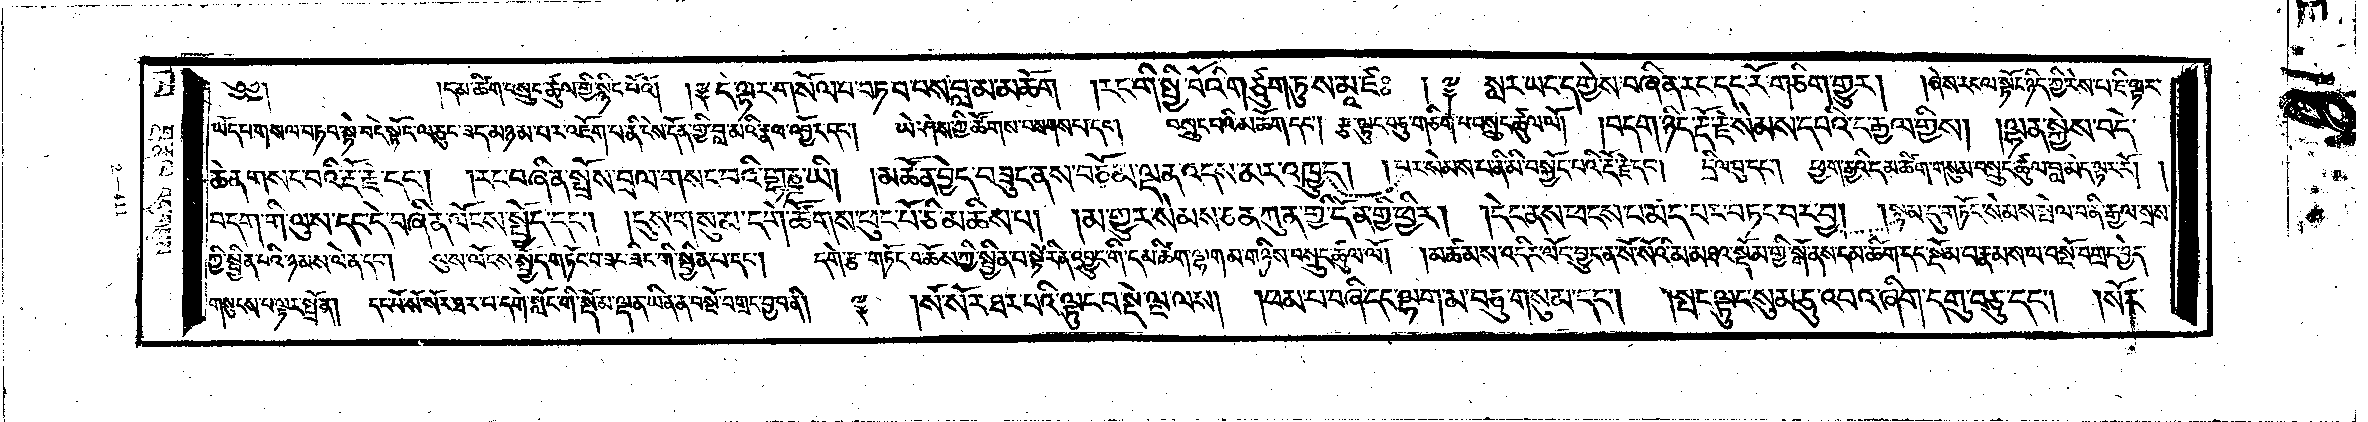༄༅། །དམ་ཚིག་བསྲུང་ཚུལ་གྱི་སྙིང་པོའོ།  ། ༈ དེ་ལྟར་གསོལ་པ་བཏབ་པས་བླ་མ་མཆོག །རང་གི་སྤྱི་བོའི་གཙུག་ཏུ་ས་མཱ་ཛཿ ། ༈ སླར་ཡང་དགྱེས་བཞིན་རང་དང་རོ་གཅིག་གྱུར། །ཞེས་རང་ལ་སྟོང་ཉིད་ཀྱི་ངེས་པ་ཇི་ལྟར་
ཡོད་པ་གསལ་བཏབ་སྟེ་བདེ་སྟོང་ལ་ཅུང་ཟད་མཉམ་པར་འཇོག་པ་ནི་ངེས་དོན་གྱི་བླ་མའི་རྣལ་འབྱོར་དང་། ཡེ་ཤེས་ཀྱི་ཚོགས་བསགས་པ་དང་། །བསྲུང་བའི་མཆོག་དང་། རྩ་ལྟུང་བཅུ་གཅིག་པ་བསྲུང་ཚུལ་ལོ། །བདག་ཉིད་རྡོ་རྗེ་སེམས་དཔའི་ང་རྒྱལ་གྱིས། །ལྷན་སྐྱེས་བདེ་
ཆེན་གསང་བའི་རྡོ་རྗེ་དང་། །རང་བཞིན་སྤྲོས་བྲལ་གསང་བའི་གྷཎྜ་ཡི། །མཚོན་བྱེད་བཟུང་ནས་བཅོམ་ལྡན་འདས་མར་འཁྱུད། །པར་སེམས་པ་ནི་མི་བསྐྱོད་པའི་རྡོ་རྗེ་དང་། དྲིལ་བུ་དང་། ཕྱག་རྒྱའི་དམ་ཚིག་གསུམ་བསྲུང་ཚུལ་བླ་མེད་ལྟར་རོ། །
བདག་གི་ལུས་དང་དེ་བཞིན་ལོངས་སྤྱོད་དང་། །དུས་གསུམ་དགེ་ཚོགས་ཕུང་པོ་ཅི་མ་ཆིས་པ། །མ་གྱུར་སེམས་ཅན་ཀུན་གྱི་དོན་གྱི་ཕྱིར། །དེང་ནས་ཕངས་པ་མེད་པར་བཏང་བར་བྱ། །སྙམ་དུ་གཏོང་སེམས་སྤེལ་བ་ནི་རྒྱལ་སྲས་
ཀྱི་སྦྱིན་པའི་ཉམས་ལེན་དང་། ལུས་ལོངས་སྤྱོད་གཏོང་བཟང་ཟིང་གི་སྦྱིན་པ་དང་། དགེ་རྩ་གཏོང་བ་ཆོས་ཀྱི་སྦྱིན་པ་སྟེ་རིན་འབྱུང་གི་དམ་ཚིག་ལྷག་མ་གཉིས་བསྲུང་ཚུལ་ལོ། །མཚམས་འདིར་ལོང་བྱུང་ན་སོ་སོའི་མ་མཐའ་སྡོམ་གྱི་སྒོ་ནས་དམ་ཚིག་དང་སྡོམ་པ་རྣམས་ལ་བསྔོ་བགྲང་བྱེད་
གསུངས་པ་ལྟར་སྤྲོ་ན། དང་པོ་སོ་སོར་ཐར་པ་དགེ་སློང་གི་སྡོམ་ལྡན་ཡིན་ན་བསྔོ་བགྲང་བྱ་བ་ནི། ༈ །སོ་སོར་ཐར་པའི་ལྟུང་བསྡེ་ལྔ་ལས། །ཕམ་པ་བཞི་དང་ལྷག་མ་བཅུ་གསུམ་དང་། །སྤང་ལྟུང་སུམ་ཅུ་འབའ་ཞིག་དགུ་བཅུ་དང་། །སོར་